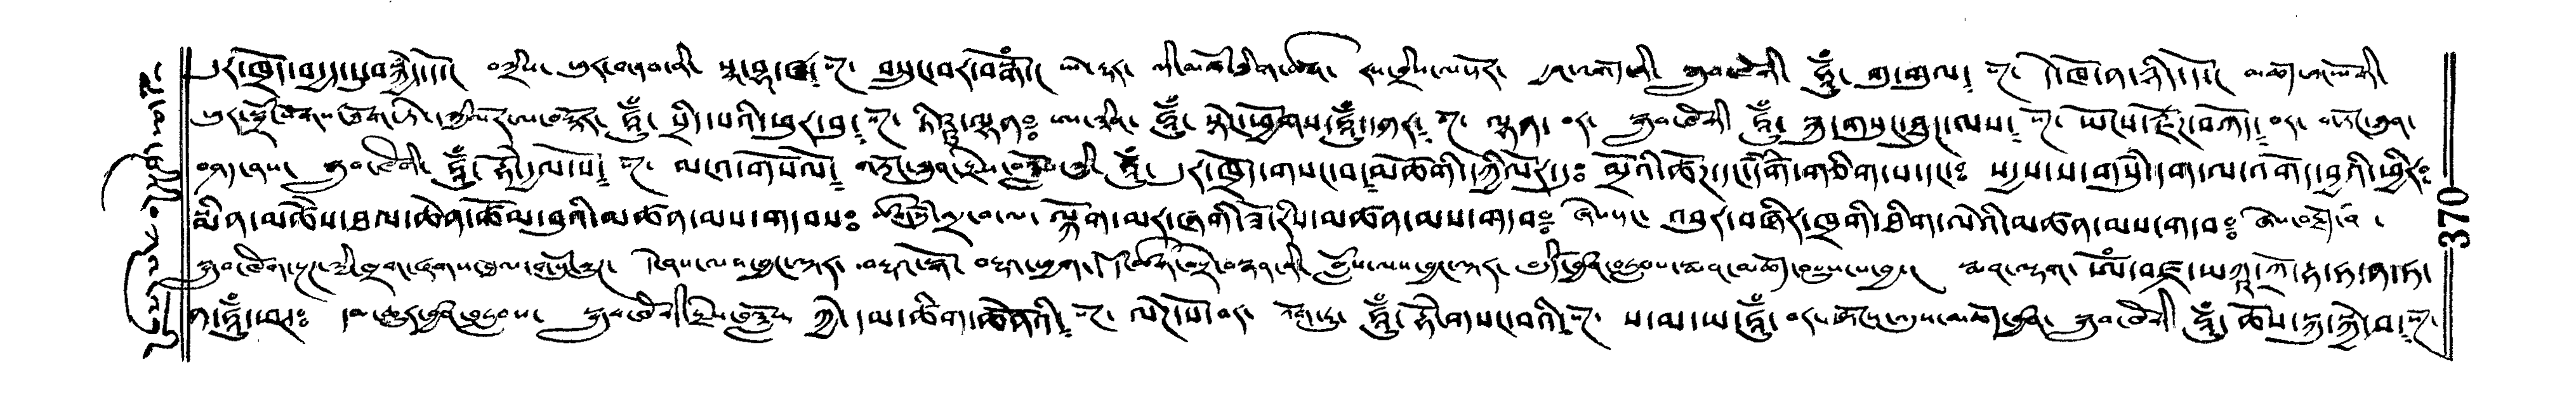དུར་ཁྲོད་བརྒྱད་དུ་བསྐྱེད་དོ། བཀྲ་ཤིས། ཕུར་གདབ་ནི། སྭཱ་བྷ་ཝ༴ སོགས། བསྲུང་བར་བསྒོམ། ཡེ་དྷར། འདི་མཚམས་ཐིག་ཚོན། རས་བྲིས་ལ་དོར། རྒྱན་འགོད་ནི། སྒྲུབ་ཁོག་གི། ཧཱུྃ༔ གུ་གུལ༴ སོགས། དེ་ཁོ་ན་ཉིད་དོ། མཆོད་གཡོག་གིས་
ཕུར་སྒྲོམ་སོགས་ཐོགས་ཏེ་དཀྱིལ་འཁོར་ལ་བསྐོར། ཧཱུྃ༔ སྲིད་པའི་ཕུར་བུ༴ སོགས། ཏིཥྛ་ལྷན༔ ཨ་ཟིན། ཧཱུྃ༔ སྟེང་ཕྱོགས་ཧཱུྃ་དཀར༴ སོགས། ལྷན༔ བར་སྒྲུབ་ཁོག་གི། ཧཱུྃ༔ སྐུ་གསུང་ཐུགས་ལས༴ སོགས། ཡོངས་རྫོགས་བཀོད༴ བར། སྟོང་ཐུན་
བཤད་ནས། སྒྲུབ་ཁོག་གི། ཧཱུྃ༔ རྡོ་རྗེ་རྒྱལ་པོ༴ སོགས། མངའ་གསོལ་ལོ༴ སྟོང་ཐུན་རྗེས་བཟློས་ཀྱི། ཧཱུྃ༔ དུར་ཁྲོད་གསང་བ་མཆོག་གི་དཀྱིལ་འཁོར་དུ༔ མཁའ་འགྲོའི་ཚོགས་དང་དམ་ཚིག་གཅིག་པ་དང༔ སངས་རྒྱས་ས་གསུམ་དག་ལ་འགོད་བྱའི་ཕྱིར༔
སྨིན་མཚམས་ཐལ་ཆེན་ཚོམ་བུའི་མཚན་མས་གདབ༔ ཚིག་གསུམ་འདྲ་བ་ལ། ལྐོག་མར་ཞག་གི་ཟོ་རིས་མཚན་མས་གདབ༔ ཞེས་དང་། འབུར་བཞིར་ཁྲག་གི་ཐིག་ལེའི་མཚན་མས་གདབ༔ ཞེས་བརྗོད་ནས་
སྒྲུབ་ཁོག་སྔགས་ཀྱིས་ཁྲག་ཞག་ཐལ་གསུམ་བྱུགས། དེ་ནས་ལས་བྱང་ལྟར་བརྡ་སྒོ་བརྡ་ཕྱག དམ་ཚིག་བསྲེ་བསྣན་ནི། བླ་མས་ལས་བྱང་ལྟར། བདུད་རྩི་བྱིན་བརླབ། སྨན་མཆོད་བསྡུས་པ་བྱ། སྨན་ལྷག ཨོཾ་བཛྲ་ཡཀྵ་ཀྲོ་དྷ་ཧ་ན་ཧ་
ན་ཧཱུྃ་ཕཊ༔ དམ་ཆུ་བྱིན་བརླབ། སྒྲུབ་ཁོག་གི་རྗེས་བཟློས། ཀྱཻཿདམ་ཚིག་ཆེན་པོའི༴ སོགས། ལེགས་སོ༴ བར། འོག་ཏུ། ཧཱུྃ༔ རྡོ་རྗེ་གསང་བའི༴ སོགས། ས་མ་ཡ་ཧཱུྃ༔ བར་དགོངས་འདུས་མཆོད་བྱིན། སྒྲུབ་ཁོག་གི ཧཱུྃ༔ ཆོས་སྐུ་སྐྱེ་བ༴ སོགས།